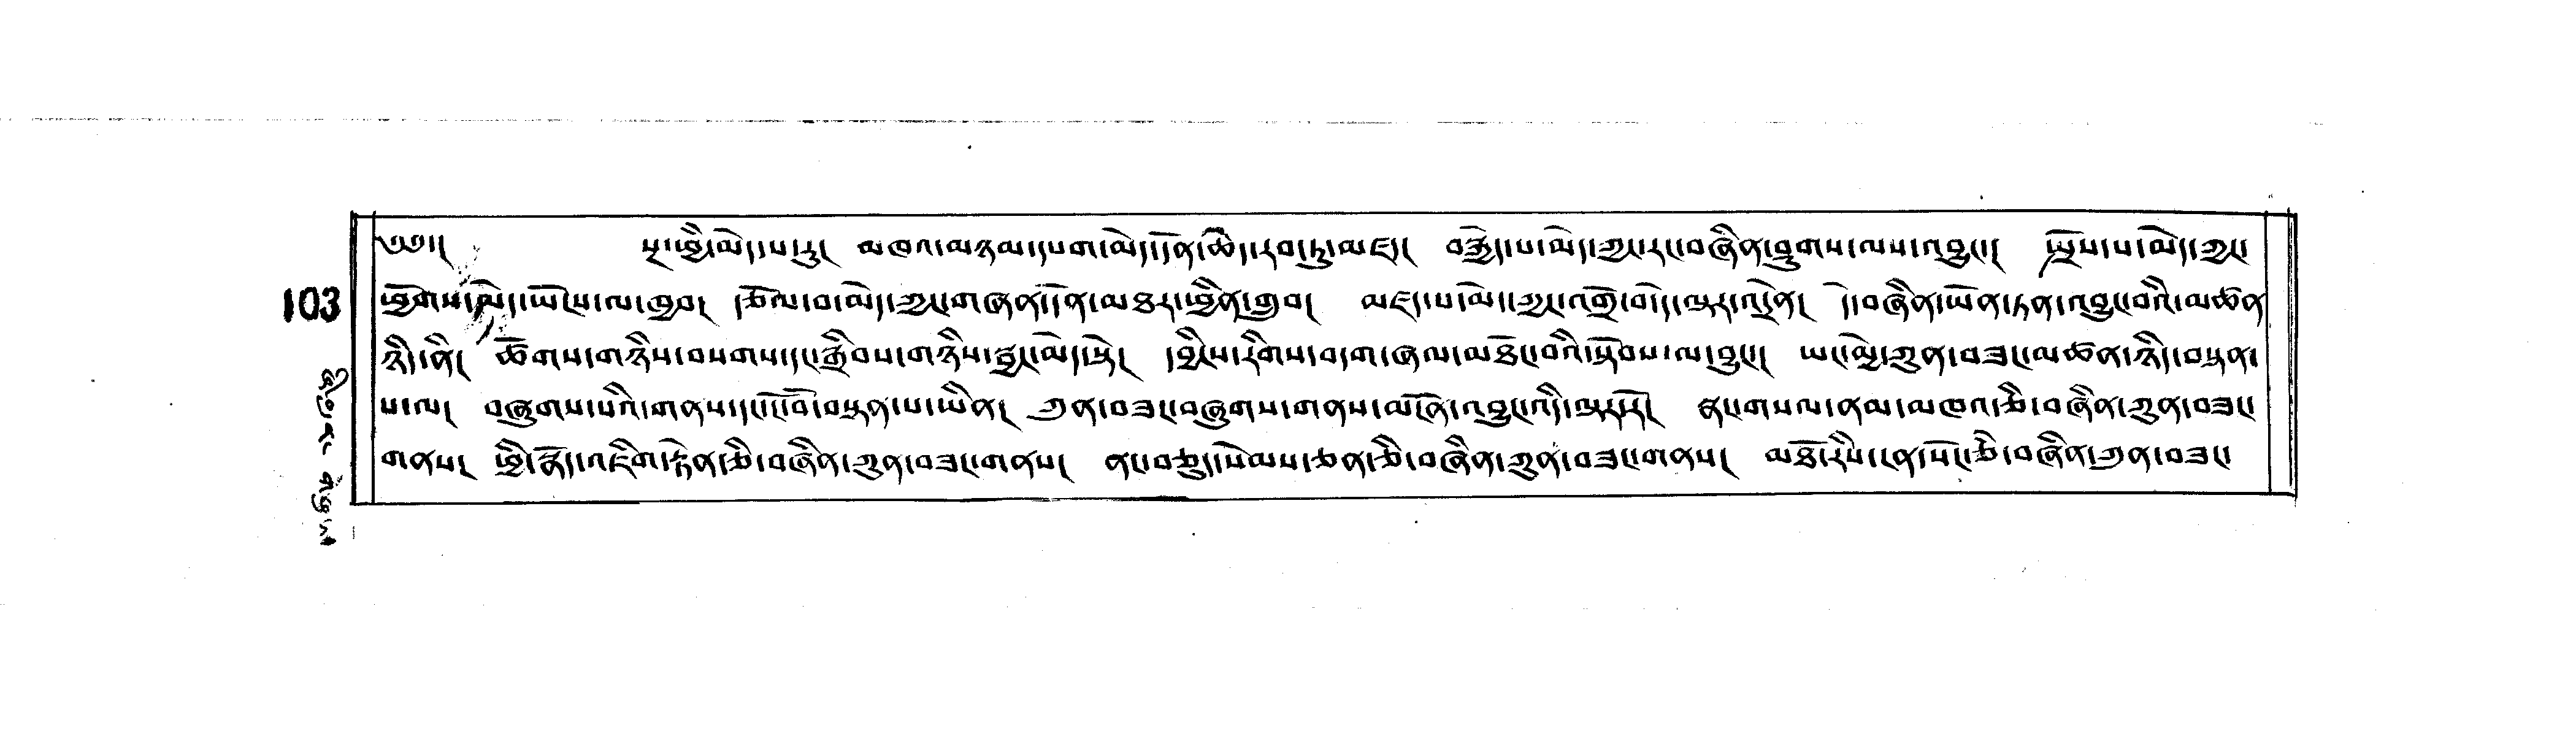སྔ་ཕྱི་མེད་པ་རུ། མཁའ་མཉམ་དཔག་མེད་དོན་ཆེད་རབ་ཏུ་མཛད། བསྐྱེད་པ་མེད་ཀྱང་རང་བཞིན་ཤུགས་ལས་འབྱུང་། སྤྲོས་པ་མེད་ཀྱང་
ཕྱོགས་མེད་ཡོངས་ལ་ཁྱབ། རྩོལ་བ་མེད་ཀྱང་གཞན་དོན་མཐར་ཕྱིན་གྲུབ། མཛད་པ་མེད་ཀྱང་འགྲོ་བ་དེ་ལྟར་འདྲེན། དེ་བཞིན་ཡོན་ཏན་འབྱུང་བའི་མཚན་
ཉིད་ནི། ཚོགས་གཉིས་བསགས་དང་སྒྲིབ་གཉིས་སྦྱངས་མེད་སྟེ། དབྱིངས་རིག་བདག་ཞལ་མཐོང་བའི་སྟོབས་ལས་བྱུང་། ཡང་མེས་ཀུན་བཟང་མཚན་ཉིད་བསྟན་
པ་ལ། བཞུགས་པའི་གནས་དང་ངོ་བོ་བསྟན་པ་ཡིན། ཀུན་བཟང་བཞུགས་གནས་དངོས་བྱུང་འདི་ལྟར་རོ། སྣང་གསལ་ནམ་མཁའ་ཅི་བཞིན་ཀུན་བཟང་
གནས། ཕྱི་སྣོད་འཇིག་རྟེན་ཅི་བཞིན་ཀུན་བཟང་གནས། ནང་བཅུད་སེམས་ཅན་ཅི་བཞིན་ཀུན་བཟང་གནས། མཐོ་རིས་ངན་སོང་ཅི་བཞིན་ཀུན་བཟང་